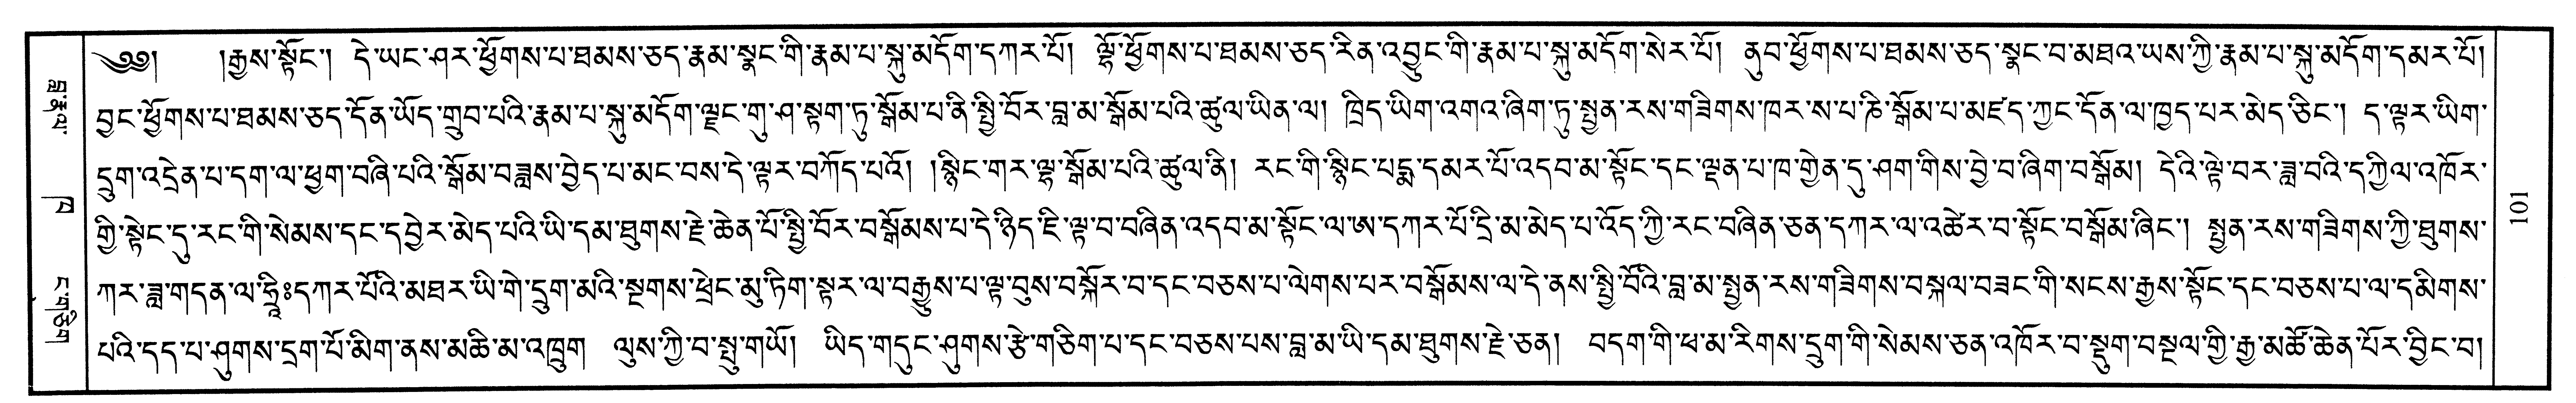༄༅། །རྒྱས་སྟོང་། དེ་ཡང་ཤར་ཕྱོགས་པ་ཐམས་ཅད་རྣམ་སྣང་གི་རྣམ་པ་སྐུ་མདོག་དཀར་པོ། ལྷོ་ཕྱོགས་པ་ཐམས་ཅད་རིན་འབྱུང་གི་རྣམ་པ་སྐུ་མདོག་སེར་པོ། ནུབ་ཕྱོགས་པ་ཐམས་ཅད་སྣང་བ་མཐའ་ཡས་ཀྱི་རྣམ་པ་སྐུ་མདོག་དམར་པོ།
བྱང་ཕྱོགས་པ་ཐམས་ཅད་དོན་ཡོད་གྲུབ་པའི་རྣམ་པ་སྐུ་མདོག་ལྗང་གུ་ཤ་སྟག་ཏུ་སྒོམ་པ་ནི་སྤྱི་བོར་བླ་མ་སྒོམ་པའི་ཚུལ་ཡིན་ལ། ཁྲིད་ཡིག་འགའ་ཞིག་ཏུ་སྤྱན་རས་གཟིགས་ཁར་ས་པ་ཎི་སྒོམ་པ་མཛད་ཀྱང་དོན་ལ་ཁྱད་པར་མེད་ཅིང་། ད་ལྟར་ཡིག་
དྲུག་འདྲེན་པ་དག་ལ་ཕྱག་བཞི་པའི་སྒོམ་བཟླས་བྱེད་པ་མང་བས་དེ་ལྟར་བཀོད་པའོ། །སྙིང་གར་ལྷ་སྒོམ་པའི་ཚུལ་ནི། རང་གི་སྙིང་པདམ་དམར་པོ་འདབ་མ་སྟོང་དང་ལྡན་པ་ཁ་གྱེན་དུ་ཤག་གིས་བྱེ་བ་ཞིག་བསྒོམ། དེའི་ལྟེ་བར་ཟླ་བའི་དཀྱིལ་འཁོར་
གྱི་སྟེང་དུ་རང་གི་སེམས་དང་དབྱེར་མེད་པའི་ཡི་དམ་ཐུགས་རྗེ་ཆེན་པོ་སྤྱི་བོར་བསྒོམས་པ་དེ་ཉིད་ཇི་ལྟ་བ་བཞིན་འདབ་མ་སྟོང་ལ་ཨ་དཀར་པོ་དྲི་མ་མེད་པ་འོད་ཀྱི་རང་བཞིན་ཅན་དཀར་ལ་འཚེར་བ་སྟོང་བསྒོམ་ཞིང་། སྤྱན་རས་གཟིགས་ཀྱི་ཐུགས་
ཀར་ཟླ་གདན་ལ་ཧྲཱིཿ དཀར་པོའི་མཐར་ཡི་གེ་དྲུག་མའི་སྔགས་ཕྲེང་མུ་ཏིག་སྟར་ལ་བརྒྱུས་པ་ལྟ་བུས་བསྐོར་བ་དང་བཅས་པ་ལེགས་པར་བསྒོམས་ལ་དེ་ནས་སྤྱི་བོའི་བླ་མ་སྤྱན་རས་གཟིགས་བསྐལ་བཟང་གི་སངས་རྒྱས་སྟོང་དང་བཅས་པ་ལ་དམིགས་
པའི་དད་པ་ཤུགས་དྲག་པོ་མིག་ནས་མཆི་མ་འཁྲུག་ལུས་ཀྱི་བ་སྤུ་གཡོ། ཡིད་གདུང་ཤུགས་རྩེ་གཅིག་པ་དང་བཅས་པས་བླ་མ་ཡི་དམ་ཐུགས་རྗེ་ཅན། བདག་གི་ཕ་མ་རིགས་དྲུག་གི་སེམས་ཅན་འཁོར་བ་སྡུག་བསྔལ་གྱི་རྒྱ་མཚོ་ཆེན་པོར་བྱིང་བ།